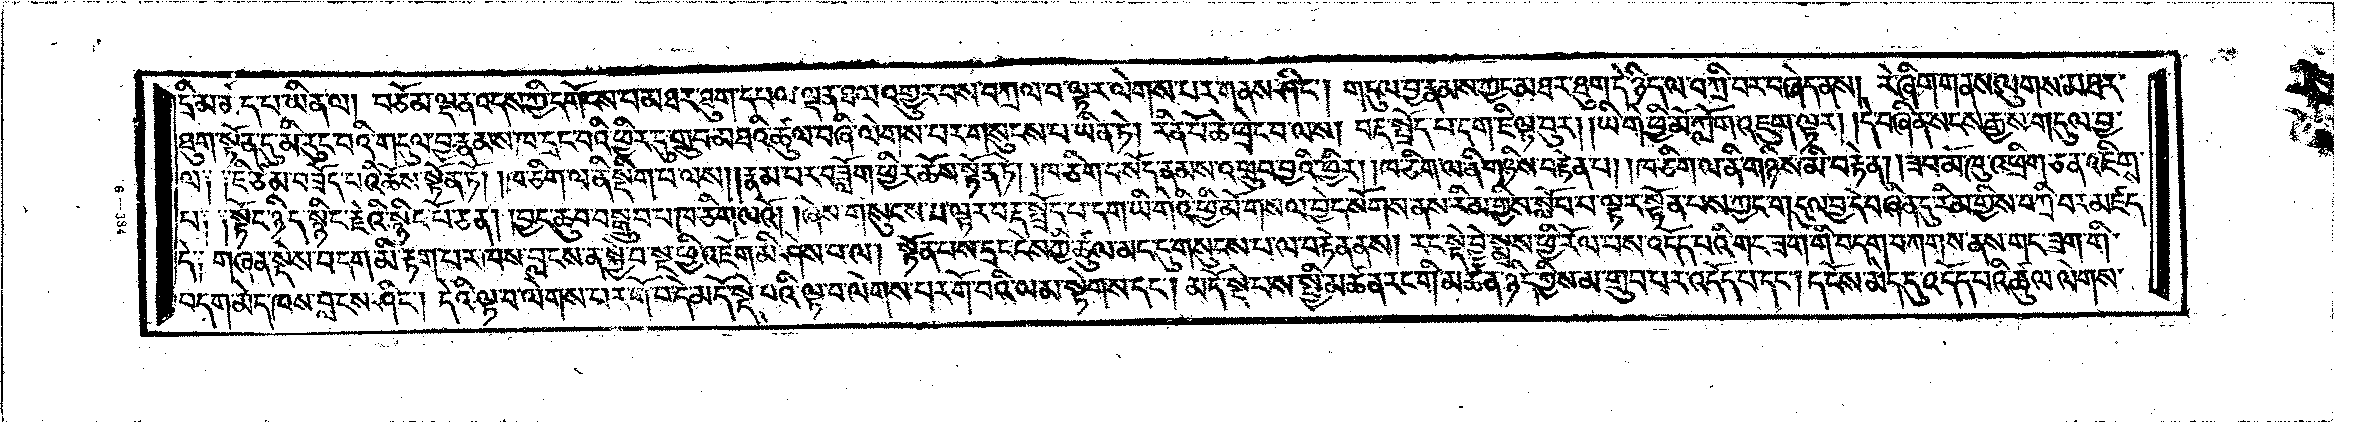དྲི་མ་མེད་པ་ཡིན་ལ། བཅོམ་ལྡན་འདས་ཀྱི་དགོངས་པ་མཐར་ཐུག་དཔལ་ལྡན་ཐལ་འགྱུར་བས་བཀྲལ་བ་ལྟར་ལེགས་པར་གནས་ཤིང་། གདུལ་བྱ་རྣམས་ཀྱང་མཐར་ཐུག་དེ་ཉིད་ལ་བཀྲི་བར་བཞེད་ནས། རེ་ཞིག་གནས་ལུགས་མཐར་
ཐུག་སྟོན་དུ་མི་རུང་བའི་གདུལ་བྱ་རྣམས་ཁ་དྲང་བའི་ཕྱིར་དུ་གྲུབ་མཐའི་ཚུལ་བཞི་ལེགས་པར་གསུངས་པ་ཡིན་ཏེ། རིན་པོ་ཆེ་ཕྲེང་བ་ལས། བརྡ་སྤྲོད་པ་དག་ཇི་ལྟ་བུར། །ཡི་གེ་ཕྱི་མོ་ཀློག་འཇུག་ལྟར། །དེ་བཞིན་སངས་རྒྱས་གདུལ་བྱ་
ལ༑ ༑ཇི་ཙམ་བཟོད་པའི་ཆོས་སྟོན་ཏོ། །ཁ་ཅིག་ལ་ནི་སྡིག་པ་ལས། །རྣམ་པར་བཟློག་ཕྱིར་ཆོས་སྟོན་ཏེ། །ཁ་ཅིག་བསོད་ནམས་འཕྲུབ་བྱའི་ཕྱིར། །ཁ་ཅིག་ལ་ནི་གཉིས་བརྟེན་པ། །ཁ་ཅིག་ལ་ནི་གཉིས་མི་བརྟེན། །ཟབ་མོ་ཁུ་འཕྲིག་ཅན་འཇིགས་
པ༑ ༑སྟོང་ཉིད་སྙིང་རྗེའི་སྙིང་པོ་ཅན། །བྱང་ཆུབ་བསྒྲུབ་པ་ཁ་ཅིག་ལའོ། །ཞེས་གསུངས་པ་ལྟར་བརྡ་སྤྲོད་པ་དག་ཡི་གེའི་ཕྱི་མོ་གསལ་བྱེད་སོགས་ནས་རིམ་གྱིས་སློབ་པ་ལྟར་སྟོན་པས་ཀྱང་གདུལ་བྱ་དེ་བཞིན་དུ་རིམ་གྱིས་བཀྲི་བར་མཛད་
དེ༑ གཞན་སྡེས་བདག་མི་རྟག་པར་ཁས་བླངས་ན་སྐྱེ་བ་སྔ་ཕྱི་འཇོག་མི་ཤེས་པ་ལ། སྟོན་པས་དྲང་ངེས་ཀྱི་ཚུལ་མང་དུ་གསུངས་པ་ལ་བརྟེན་ནས། རང་སྡེ་བྱེ་སྨྲས་ཕྱི་རོལ་པས་འདོད་པའི་གང་ཟག་གི་བདག་བཀགས་ནས་གང་ཟག་གི་
བདག་མེད་ཁས་བླངས་ཤིང་། དེའི་ལྟ་བ་ལེགས་པར་གོ་བ་དེ་མདོ་སྡེ་པའི་ལྟ་བ་ལེགས་པར་གོ་བའི་ལམ་སྟེགས་དང་། མདོ་སྡེ་པས་སྤྱི་མཚན་རང་གི་མཚན་ཉིད་ཀྱིས་མ་གྲུབ་པར་འདོད་པ་དང་། དངོས་མེད་དུ་འདོད་པའི་ཚུལ་ལེགས་